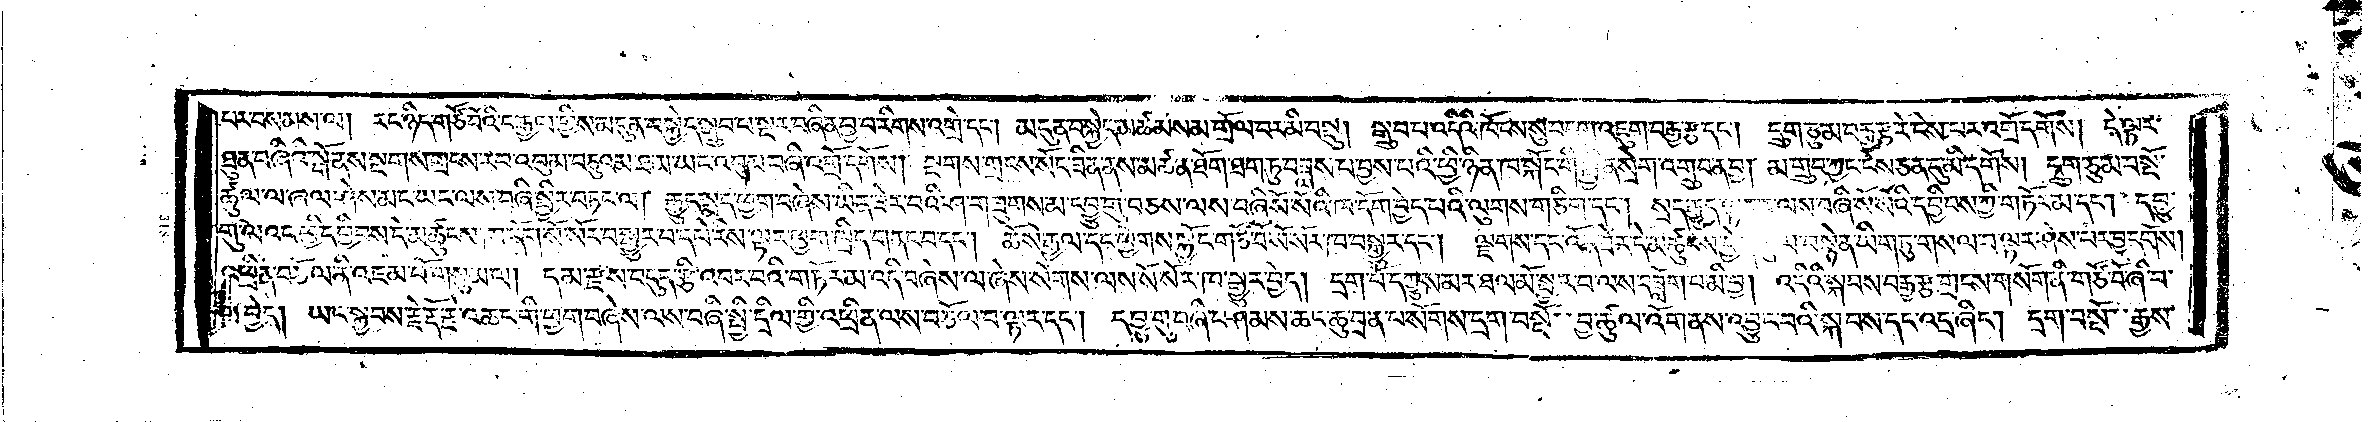པར་བསམས་ལ། རང་ཉིད་གཙོ་བོའི་ང་རྒྱལ་གྱིས་མདུན་བསྐྱེད་སྒྲུབ་པ་སྔར་བཞིན་བྱ་བ་རིགས་འགྲེ་དང་། མདུན་བསྐྱེད་མཚམས་མ་གྲོལ་བར་མི་བསྡུ། སྒྲུབ་པ་འདིའི་ཁོངས་སུ་བདག་འཇུག་བརྒྱུ་རྩ་དང་། དྲུག་ཅུ་མ་བརྒྱ་རྩ་རེ་ངེས་པར་འགྲོ་དགོས། དེ་ལྟར་
ཐུན་བཞིའི་སྒོ་ནས་སྔགས་གྲངས་རབ་འབུམ་བཅུའམ་ཐ་མ་ཡང་འབུམ་བཞི་འགྲོ་དགོས། སྔགས་གྲངས་སོང་ཟིན་ནས་མཚན་ཐོ་ཐག་ཏུ་བཟླས་པ་བྱས་པའི་ཕྱི་ཉིན་ཁ་སྐོང་གི་སྦྱིན་སྲེག་འགྲུབ་ན་བྱ། མ་གྲུབ་ཀྱང་ངེས་ཅན་དུ་མི་དགོས། དྲུག་ཅུ་མ་བསྔོ་
ཚུལ་ལ་ཞལ་ཤེས་མང་ཡང་ལས་བཞི་སྤྱིར་བཏང་ལ། རྒྱུད་སྨད་ཕྱག་བཞེས་ཡིན་ཟེར་བའི་ཤ་གཟུགས་མ་དབྱུ་གུ་བཅས་ལས་བཞི་སོ་སོའི་ཁ་དོག་བྱེད་པའི་ལུགས་གཅིག་དང་། སྲད་རྒྱུད་ལྟར་ན་ལས་བཞི་སོ་སོའི་དབྱིབས་ཀྱི་གཏོར་མ་དང་། དབྱུ་
གུ་ལའང་ཕྱི་དབྱིབས་དེ་མཚུངས་ཁ་དོག་སོ་སོར་བ་སྦྱུར་བ་དཔེ་རེས་ལྟར་ཕྱག་ཁྲིད་གནང་བ་དང་། ཆོས་རྒྱལ་དང་ཕྱོགས་སྐྱོང་གཙོ་བོ་སོ་སོར་ཁ་བསྒྱུར་དང་། ལྗགས་དང་འོད་ཟེར་དེ་མཚུངས་བྱེད་འདུལ་བསྙེན་ཡིག་ཏུ་གསལ་བ་ལྟར་ཤེས་པར་བྱ་དགོས།
འཕྲིན་བཅོལ་ནི་འཇམ་པོ་གསུམ་ལ། དམ་རྫས་བདུད་རྩི་འབར་བའི་གཏོར་མ་འདི་བཞེས་ལ་ཞེས་སོགས་ལས་སོ་སོར་ཁ་སྒྱུར་བྱེད། དྲག་པོ་དཀྱུས་མར་ཐལ་མོ་སྦྱར་བ་ལས་བཟློག་པ་མི་བྱ། འདིའི་སྐབས་བརྒྱ་རྩ་གྲངས་གསོག་ནི་གཙོ་བོ་ཞི་བ་
བ་བྱེད། ཡང་སྐྱབས་རྗེ་རྡོ་རྗེ་འཆང་གི་ཕྱག་བཞེས་ལས་བཞི་སྤྱི་དྲིལ་གྱི་འཕྲིན་ལས་བཅོལ་བ་ལྟར་དང་། དབྱུ་གུ་བཞི་བཤམས་ཆང་ཆུ་བྲ་ན་པ་སོགས་དྲག་བསྔོ་བྱ་ཚུལ་འོག་ནས་འབྱུང་བའི་སྐབས་དང་འདྲ་ཞིང་། དྲག་བསྔོ་རྒྱས་